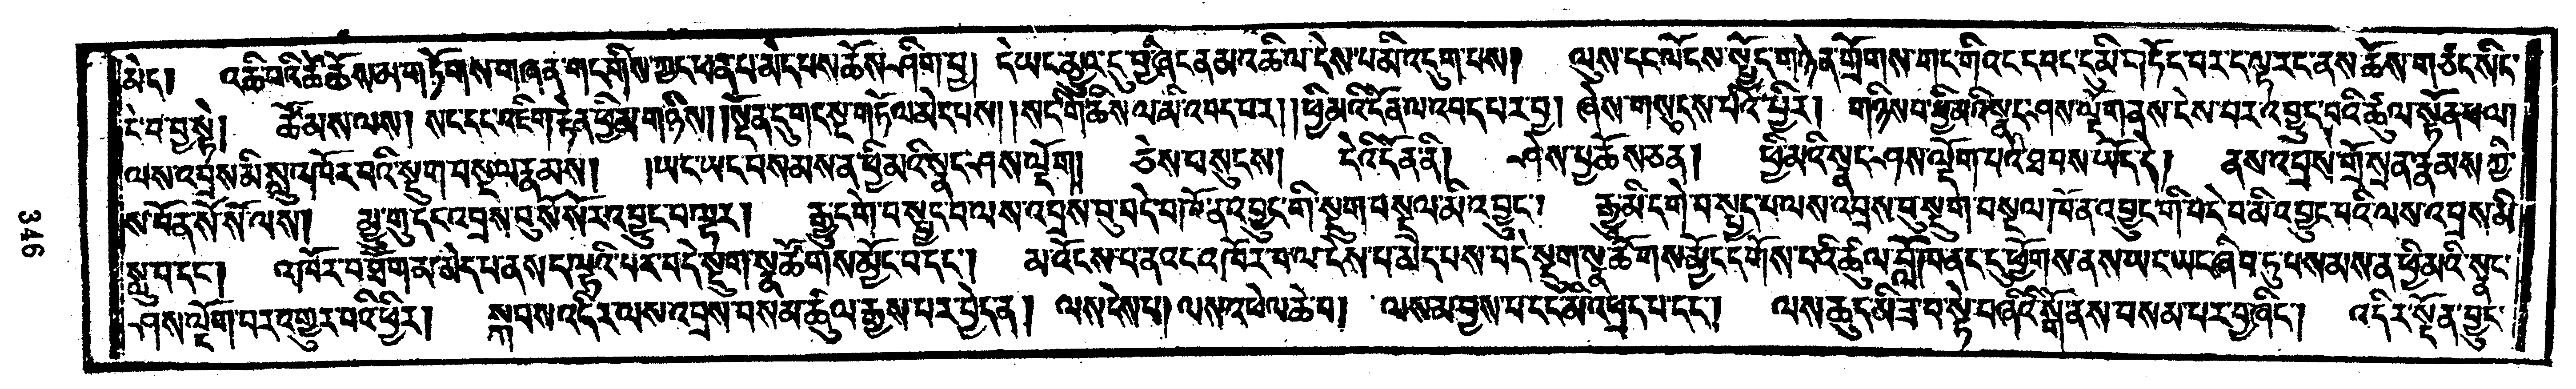མེད། འཆི་བའི་ཚེ་ཆོས་མ་གཏོགས་གཞན་གང་གིས་ཀྱང་ཕན་པ་མེད་པས་ཆོས་ཤིག་བྱ། དེ་ཡང་མྱུར་དུ་བྱ་ཞིང་ནམ་འཆི་ལ་ངེས་པ་མི་འདུག་པས། ལུས་དང་ལོངས་སྤྱོད་གཉེན་གྲོགས་གང་གིའང་དབང་དུ་མི་གཏོང་བར་ད་ལྟ་རང་ནས་ཆོས་གཙང་སིང་
དེ་བ་བྱ་སྟེ། ཚོམས་ལས། སང་དང་འཇིག་རྟེན་ཕྱི་མ་གཉིས། །སྔོན་དུ་གང་སྔ་གཏོལ་མེད་པས། །སང་གི་ཆིས་ལ་མི་འབད་པར། །ཕྱི་མའི་དོན་ལ་འབད་པར་བྱ། ཞེས་གསུངས་པའི་ཕྱིར། གཉིས་བ་ཕྱི་མའི་སྣང་ཤས་ལྡོག་ནས་ངེས་པར་འབྱུང་བའི་ཚུལ་སྟོན་ཕལ།
ལས་འབྲས་མི་སླུ་འཁོར་བའི་སྡུག་བསྔལ་རྣམས། །ཡང་ཡང་བསམས་ན་ཕྱི་མའི་སྣང་ཤས་ལྡོག། ཅེས་བསུངས། དེའི་དོན་ནི། ཤེས་བྱ་ཆོས་ཅན། ཕྱི་མའི་སྣང་ཤས་ལྡོག་པའི་ཐབས་ཡོད་དེ། ནས་འབྲས་གྲོ་སྲན་རྣམས་ཀྱི་
ས་བོན་སོ་སོ་ལས། མྱུ་གུ་དང་འབྲས་བུ་སོ་སོར་འབྱུང་བལྟར། རྒྱུ་དགེ་བ་སྤྱད་བ་ལས་འབྲས་བུ་བདེ་བ་ཁོ་ན་འབྱུང་གི་སྡུག་བསྔལ་མི་འབྱུང་། རྒྱུ་མི་དགེ་བ་སྤྱད་པ་ལས་འབྲས་བུ་སྡུག་བསྔལ་ཁོ་ན་འབྱུང་གི་བདེ་བ་མི་འབྱུང་བའི་ལས་འབྲས་མི་
སླུ་བ་དང་། འཁོར་བ་ཐོག་མ་མེད་པ་ནས་ད་ལྟའི་བར་བདེ་སྡུག་སྣ་ཚོགས་མྱོང་བ་དང་། མ་འོངས་པ་ནའང་འཁོར་བ་ལ་ངེས་པ་མེད་པས་བདེ་སྡུག་སྣ་ཚོགས་མྱོང་དགོས་པའི་ཚུལ་བློ་ཁ་ནང་དུ་ཕྱོགས་ནས་ཡང་ཡང་ཞིབ་ཏུ་བསམས་ན་ཕྱི་མའི་སྣང་
ཤས་ལྡོག་བར་འགྱུར་བའི་ཕྱིར། སྐབས་འདིར་ལས་འབྲས་བསམ་ཚུལ་རྒྱས་པར་བྱེད་ན། ལས་ངེས་པ། ལས་འཕེལ་ཆེ་བ། ལས་མ་བྱས་པ་ངང་མི་འཕྲད་པ་དང་། ལས་ཆུད་མི་ཟ་བ་སྟེ་བཞིའི་སྒོ་ནས་བསམ་པར་བྱ་ཞིང་། འདིར་སྔོན་བྱུང་